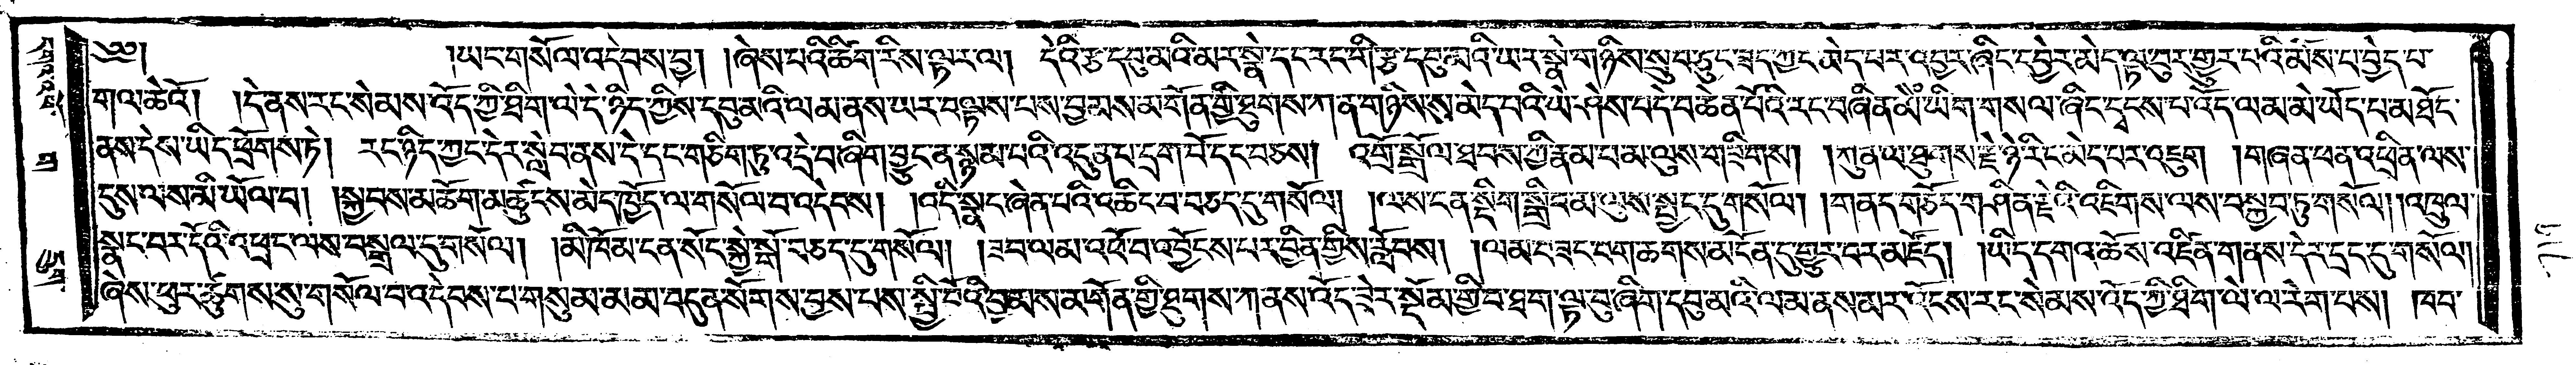༄༅། །ཡང་གསོལ་འདེབས་བྱ། །ཞེས་པའི་ཚིག་རིས་ལྟར་ལ། དེའི་རྩ་དབུ་མའི་མར་སྣེ་དང་རང་གི་རྩ་དབུ་མའི་ཡར་སྣེ་གཉིས་སྲུབ་ཅུང་ཟད་ཀྱང་མེད་པར་འབྱར་ཞིང་དབྱེར་མེད་ལྟ་བུར་གྱུར་པའི་མོས་པ་བྱེད་པ་
གལ་ཆེའོ། །དེ་ནས་རང་སེམས་འོད་ཀྱི་ཐིག་ལེ་དེ་ཉིད་ཀྱིས་དབུ་མའི་ལམ་ནས་ཡར་བལྟས་པས་བྱམས་མགོན་གྱི་ཐུགས་ཀ་ན་གཉིས་སུ་མེད་པའི་ཡེ་ཤེས་བདེ་བ་ཆེན་པོའི་རང་བཞིན་མཻཾ་ཡིག་གསལ་ཞིང་དྭངས་པ་འོད་ལམ་མེ་ཡོད་པ་མཐོང་
ནས་དེས་ཡིད་ཕྲོགས་ཏེ། རང་ཉིད་ཀྱང་དེར་སླེབ་ནས་དེ་དང་གཅིག་ཏུ་འདྲེ་བ་ཞིག་བྱུང་ན་སྙམ་པའི་འདུན་པ་དྲག་པོ་དང་བཅས། འགྲོ་སྒྲོལ་ཐབས་ཀྱི་རྣམ་པ་མ་ལུས་གཟིགས། །ཀུན་ལ་ཐུགས་རྗེ་ཉེ་རིང་མེད་པར་འཇུག །གཞན་ཕན་འཕྲིན་ལས་
དུས་ལས་མི་ཡོལ་བ། །སྐྱབས་མཆོག་མཚུངས་མེད་ཁྱོད་ལ་གསོལ་བ་འདེབས། །འདི་སྣང་ཞེན་པའི་འཆང་མ་བཅད་དུ་གསོལ། །ལས་ངན་སྡིག་སྒྲིབ་མ་ལུས་སྦྱང་དུ་གསོལ། །གནད་གཅོད་གཤིན་རྗེའི་འཇིགས་ལས་བསྐྱབ་ཏུ་གསོལ། །འཁྲུལ་
སྣང་བར་དོའི་འཕྲང་ལས་བསྒྲལ་དུ་གསོལ། །མི་ཁོམ་ངན་སོང་སྐྱེ་སྒོ་བཅད་དུ་གསོལ། །ཟབ་ལམ་འཕོ་བ་འབྱོངས་པར་བྱིན་གྱིས་རློབས། །ལམ་བཟང་བག་ཆགས་མངོན་དུ་གྱུར་བར་མཛོད། །ཡིད་དགའ་ཆོས་འཛིན་གནས་དེར་དྲང་དུ་གསོལ།
ཞེས་ཕུར་ཚུགས་སུ་གསོལ་བ་འདེབས་པ་གསུམ་མམ་བདུན་སོགས་བྱས་པས་སྤྱི་བོའི་བྱམས་མགོན་གྱི་ཐུགས་ཀ་ནས་འོད་ཟེར་སྡོམ་གྱི་བ་ཐག་ལྟ་བུ་ཞིག་དབུ་མའི་ལམ་ནས་མར་འོངས་རང་སེམས་འོད་ཀྱི་ཐིག་ལེ་ལ་རེག་པས། ཁབ་